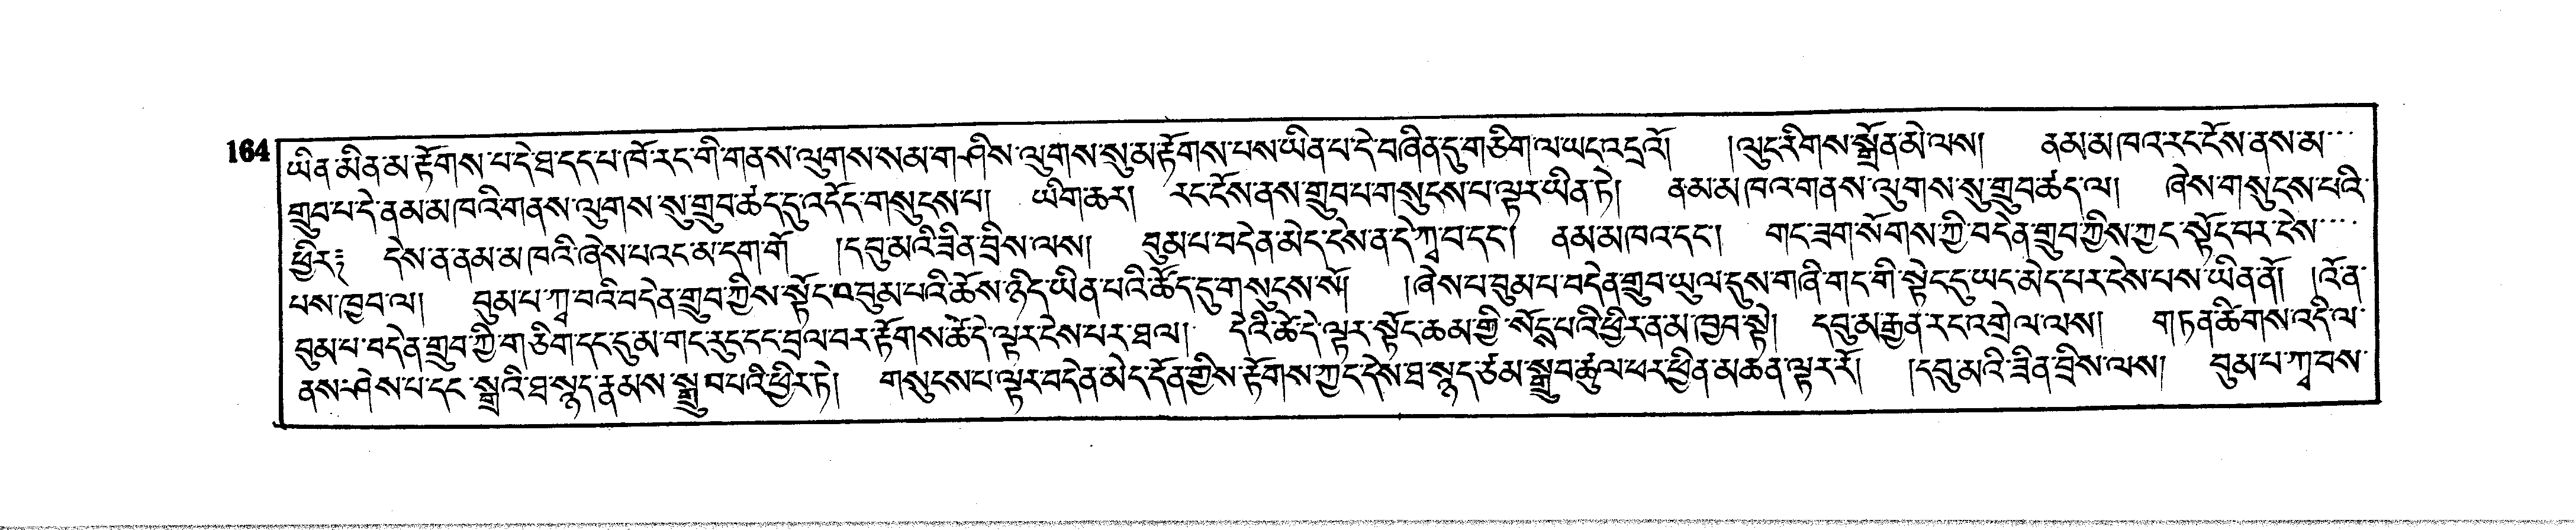ཡིན་མིན་མ་རྟོགས་པ་དེ་ཐ་དད་པ་ཁོ་རང་གི་གནས་ལུགས་སམ་གཤིས་ལུགས་སུ་མ་རྟོགས་པས་ཡིན་པ་དེ་བཞིན་དུ་གཅིག་ལ་ཡང་འདྲའོ། །ལུང་རིགས་སྒྲོན་མེ་ལས། ནམ་མཁའ་རང་ངོས་ནས་མ་
གྲུབ་པ་དེ་ནམ་མཁའི་གནས་ལུགས་སུ་གྲུབ་ཚད་དུ་འདོད་གསུངས་པ། ཡིག་ཆར། རང་ངོས་ནས་གྲུབ་པ་གསུངས་པ་ལྟར་ཡིན་ཏེ། ནམ་མཁའ་གནས་ལུགས་སུ་གྲུབ་ཚད་ལ། ཞེས་གསུངས་པའི་
ཕྱིར། དེས་ན་ནམ་མཁའི་ཞེས་པའང་མ་དག་གོ །དབུ་མའི་ཟིན་བྲིས་ལས། བུམ་པ་བདེན་མེད་ངེས་ན་དེ་ཀྭ་བ་དང་། ནམ་མཁའ་དང་། གང་ཟག་སོགས་ཀྱི་བདེན་གྲུབ་ཀྱིས་ཀྱང་སྟོང་བར་ངེས་
པས་ཁྱབ་ལ། བུམ་པ་ཀྭ་བའི་བདེན་གྲུབ་ཀྱིས་སྟོང་བ་བུམ་པའི་ཆོས་ཉིད་ཡིན་པའི་ཚོད་དུ་གསུངས་སོ། །ཞེས་པ་བུམ་པ་བདེན་གྲུབ་ཡུལ་དུས་གཞི་གང་གི་སྟེང་དུ་ཡང་མེད་པར་ངེས་པས་ཡིན་ནོ། །འོ་ན་
བུམ་པ་བདེན་གྲུབ་ཀྱི་གཅིག་དང་དུ་མ་གང་རུང་དང་བྲལ་བར་རྟོགས་ཚེ་དེ་ལྟར་ངེས་པར་ཐལ། དེའི་ཚེ་དེ་ལྟར་སྟོང་ཆམ་གྱི་སོངས་པའི་ཕྱིར་ན་མ་ཁྱབ་སྟེ། དབུ་མ་རྒྱན་རང་འགྲེལ་ལས། གཏན་ཚིགས་འདི་ལ་
ནས་ཤེས་པ་དང་སྒྲའི་ཐ་སྙད་རྣམས་སྒྲུབ་པའི་ཕྱིར་ཏེ། གསུངས་པ་ལྟར་བདེན་མེད་དོན་གྱིས་རྟོགས་ཀྱང་དེས་ཐ་སྙད་ཙམ་སྒྲུབ་ཚུལ་ཕར་ཕྱིན་མཆན་ལྟར་རོ། །དབུ་མའི་ཟིན་བྲིས་ལས། བུམ་པ་ཀྭ་བས་